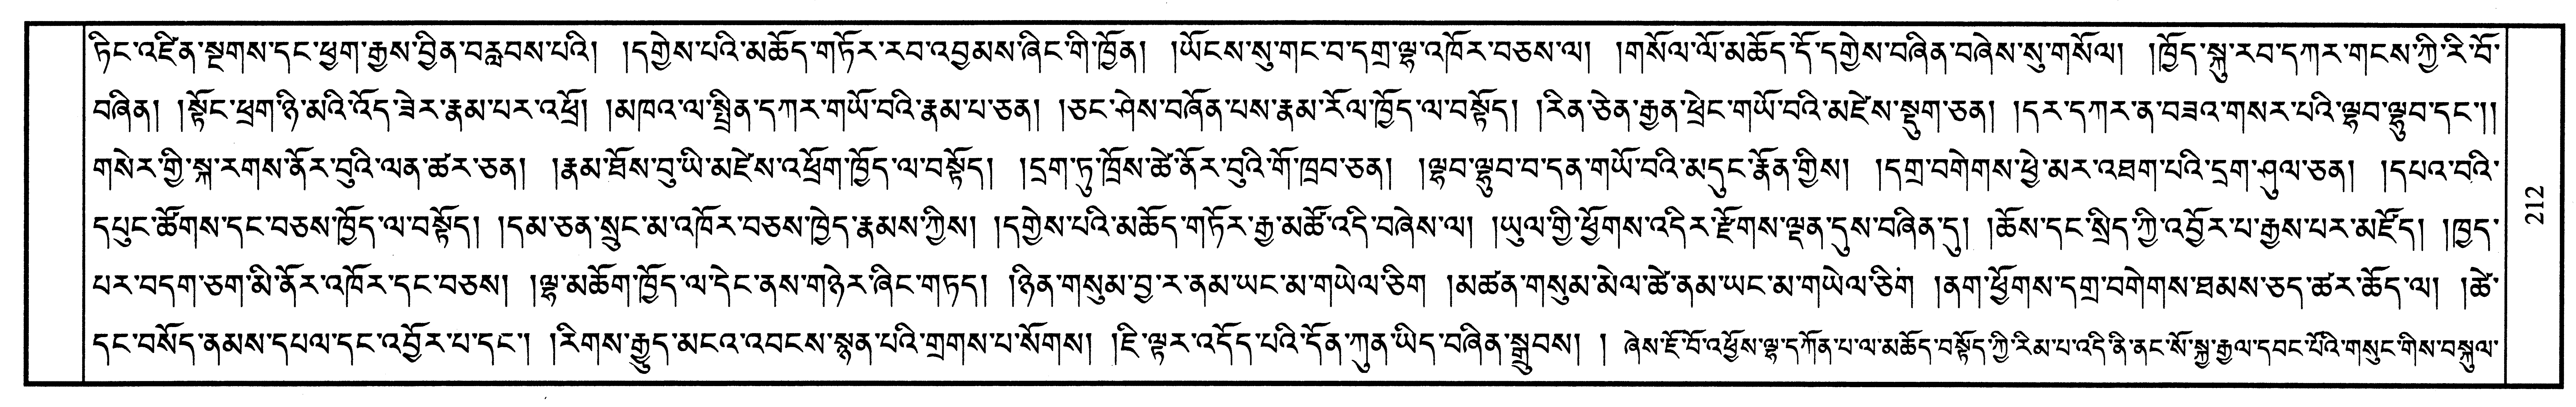ཏིང་འཛིན་སྔགས་དང་ཕྱག་རྒྱས་བྱིན་བརླབས་པའི། །དགྱེས་པའི་མཆོད་གཏོར་རབ་འབྱམས་ཞིང་གི་ཁྱོན། །ཡོངས་སུ་གང་བ་དགྲ་ལྷ་འཁོར་བཅས་ལ། །གསོལ་ལོ་མཆོད་དོ་དགྱེས་བཞིན་བཞེས་སུ་གསོལ། །ཁྱོད་སྐུ་རབ་དཀར་གངས་ཀྱི་རི་བོ་
བཞིན། །སྟོང་ཕྲག་ཉི་མའི་འོད་ཟེར་རྣམ་པར་འཕྲོ། །མཁའ་ལ་སྤྲིན་དཀར་གཡོ་བའི་རྣམ་པ་ཅན། །ཅང་ཤེས་བཞོན་པས་རྣམ་རོལ་ཁྱོད་ལ་བསྟོད། །རིན་ཅེན་རྒྱན་ཕྲེང་གཡོ་བའི་མཛེས་སྡུག་ཅན། །དར་དཀར་ན་བཟའ་གསར་པའི་ལྷབ་ལྷུབ་དང།།
གསེར་གྱི་སྐ་རགས་ནོར་བུའི་ལན་ཚར་ཅན། །རྣམ་ཐོས་བུ་ཡི་མཛེས་འཕྲོག་ཁྱོད་ལ་བསྟོད། །དྲག་ཏུ་ཁྲོས་ཚེ་ནོར་བུའི་གོ་ཁྲབ་ཅན། །ལྷབ་ལྷུབ་བ་དན་གཡོ་བའི་མདུང་རྣོན་གྱིས། །དགྲ་བགེགས་ཕྱེ་མར་འཐག་པའི་དྲག་ཤུལ་ཅན། །དཔའ་བའི་
དཔུང་ཚོགས་དང་བཅས་ཁྱོད་ལ་བསྟོད། །དམ་ཅན་སྲུང་མ་འཁོར་བཅས་ཁྱེད་རྣམས་ཀྱིས། །དགྱེས་པའི་མཆོད་གཏོར་རྒྱ་མཚོ་འདི་བཞེས་ལ། །ཡུལ་གྱི་ཕྱོགས་འདིར་རྫོགས་ལྡན་དུས་བཞིན་དུ། །ཆོས་དང་སྲིད་ཀྱི་འབྱོར་པ་རྒྱས་པར་མཛོད། །ཁྱད་
པར་བདག་ཅག་མི་ནོར་འཁོར་དང་བཅས། །ལྷ་མཆོག་ཁྱོད་ལ་དེང་ནས་གཉེར་ཞིང་གཏད། །ཉིན་གསུམ་བྱ་ར་ནམ་ཡང་མ་གཡེལ་ཅིག །མཚན་གསུམ་མེལ་ཚེ་ནམ་ཡང་མ་གཡེལ་ཅིག །ནག་ཕྱོགས་དགྲ་བགེགས་ཐམས་ཅད་ཚར་ཆོད་ལ། །ཚེ་
དང་བསོད་ནམས་དཔལ་དང་འབྱོར་པ་དང་། །རིགས་རྒྱུད་མངའ་འབངས་སྙན་པའི་གྲགས་པ་སོགས། །ཇི་ལྟར་འདོད་པའི་དོན་ཀུན་ཡིད་བཞིན་སྒྲུབས། །ཞེས་ཇོ་བོ་འཕྱོས་ལྷ་དཀོན་པ་ལ་མཆོད་བསྟོད་ཀྱི་རིམ་པ་འདི་ནི་ནང་སོ་སྐྱ་རྒྱལ་དབང་པོའི་གསུང་གིས་བསྐུལ་